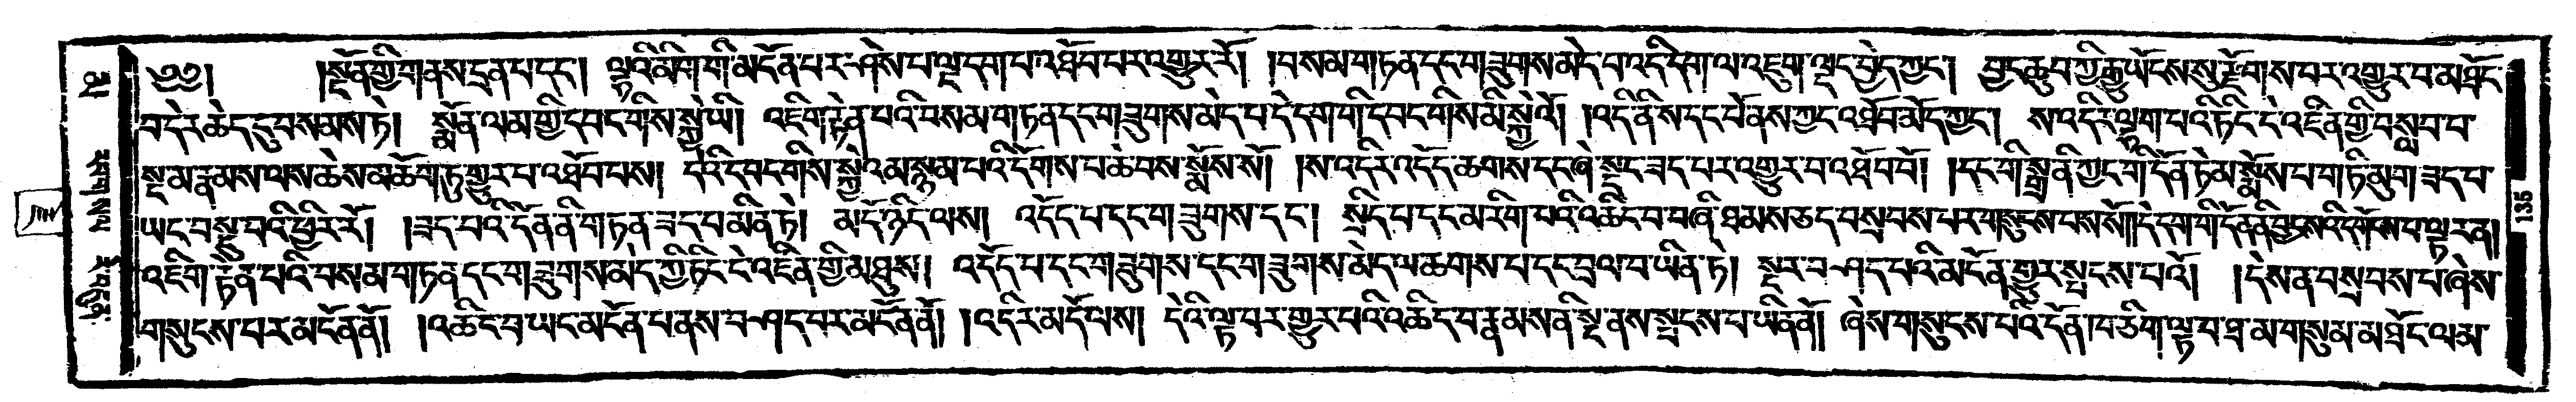༄༅། །སྔོན་གྱི་གནས་དྲན་པ་དང་། ལྷའི་མིག་གི་མངོན་པར་ཤེས་པ་ལྔ་དག་པ་འཐོབ་པར་འགྱུར་རོ། །བསམ་གཏན་དང་གཟུགས་མེད་པ་འདི་དག་ལ་འཇུག་ལྡང་བྱེད་ཀྱང་། བྱང་ཆུབ་ཀྱི་རྒྱུ་ཡོངས་སུ་རྫོགས་པར་འགྱུར་བ་མཐོང་
བ་དེར་ཆེད་དུ་བསམས་ཏེ། སྨོན་ལམ་གྱི་དབང་གིས་སྐྱེ་ཡི། འཇིག་རྟེན་པའི་བསམ་གཏན་དང་གཟུགས་མེད་པ་དེ་དག་གི་དབང་གིས་མི་སྐྱེའོ། །འདི་ནི་ས་དང་པོ་ནས་ཀྱང་འཐོབ་མོད་ཀྱང་། ས་འདིར་ལྷག་པའི་ཏིང་ངེ་འཛིན་གྱི་བསླབ་པ་
སྔ་མ་རྣམས་ལས་ཆེས་མཆོག་ཏུ་གྱུར་པ་འཐོབ་པས། དེའི་དབང་གིས་སྐྱེའམ་སྙམ་པའི་དོགས་པ་ཆེ་བས་སྨོས་སོ། །ས་འདིར་འདོད་ཆགས་དང་ཞེ་སྡང་ཟད་པར་འགྱུར་བ་འཐོབ་བོ། །དང་གི་སྒྲ་ནི་ཀྱང་གི་དོན་ཏེ་མ་སྨོས་པ་གཏི་མུག་ཟད་པ་
ཡང་བསྡུ་བའི་ཕྱིར་རོ། །ཟད་པའི་དོན་ནི་གཏན་ཟད་པ་མིན་ཏེ། མདོ་ཉིད་ལས། འདོད་པ་དང་གཟུགས་དང་། སྲིད་པ་དང་མ་རིག་པའི་འཆིང་བ་བཞི་ཐམས་ཅད་བསྲབས་པར་གསུངས་པས་སོ། །དེ་དག་གི་དོན་ནི་བྱང་སའི་དགོངས་པ་ལྟར་ན།
འཇིག་རྟེན་པའི་བསམ་གཏན་དང་གཟུགས་མེད་ཀྱི་ཏིང་ངེ་འཛིན་གྱི་མཐུས། འདོད་པ་དང་གཟུགས་དང་གཟུགས་མེད་ལ་ཆགས་པ་དང་བྲལ་བ་ཡིན་ཏེ། སྔར་བཤད་པའི་མངོན་གྱུར་སྤངས་པའོ། །དེས་ན་བསྲབས་པ་ཞེས་
གསུངས་པར་མངོན་ནོ། །འཆིང་བ་ཡང་མངོན་པ་ནས་བཤད་པར་མངོན་ནོ། །འདིར་མདོ་ལས། དེའི་ལྟ་བར་གྱུར་པའི་འཆིང་བ་རྣམས་ནི་སྔ་ནས་སྤངས་པ་ཡིན་ནོ། ཞེས་གསུངས་པའི་དོན་ཁ་ཅིག་ལྟ་བ་ཐ་མ་གསུམ་མཐོང་ལམ་